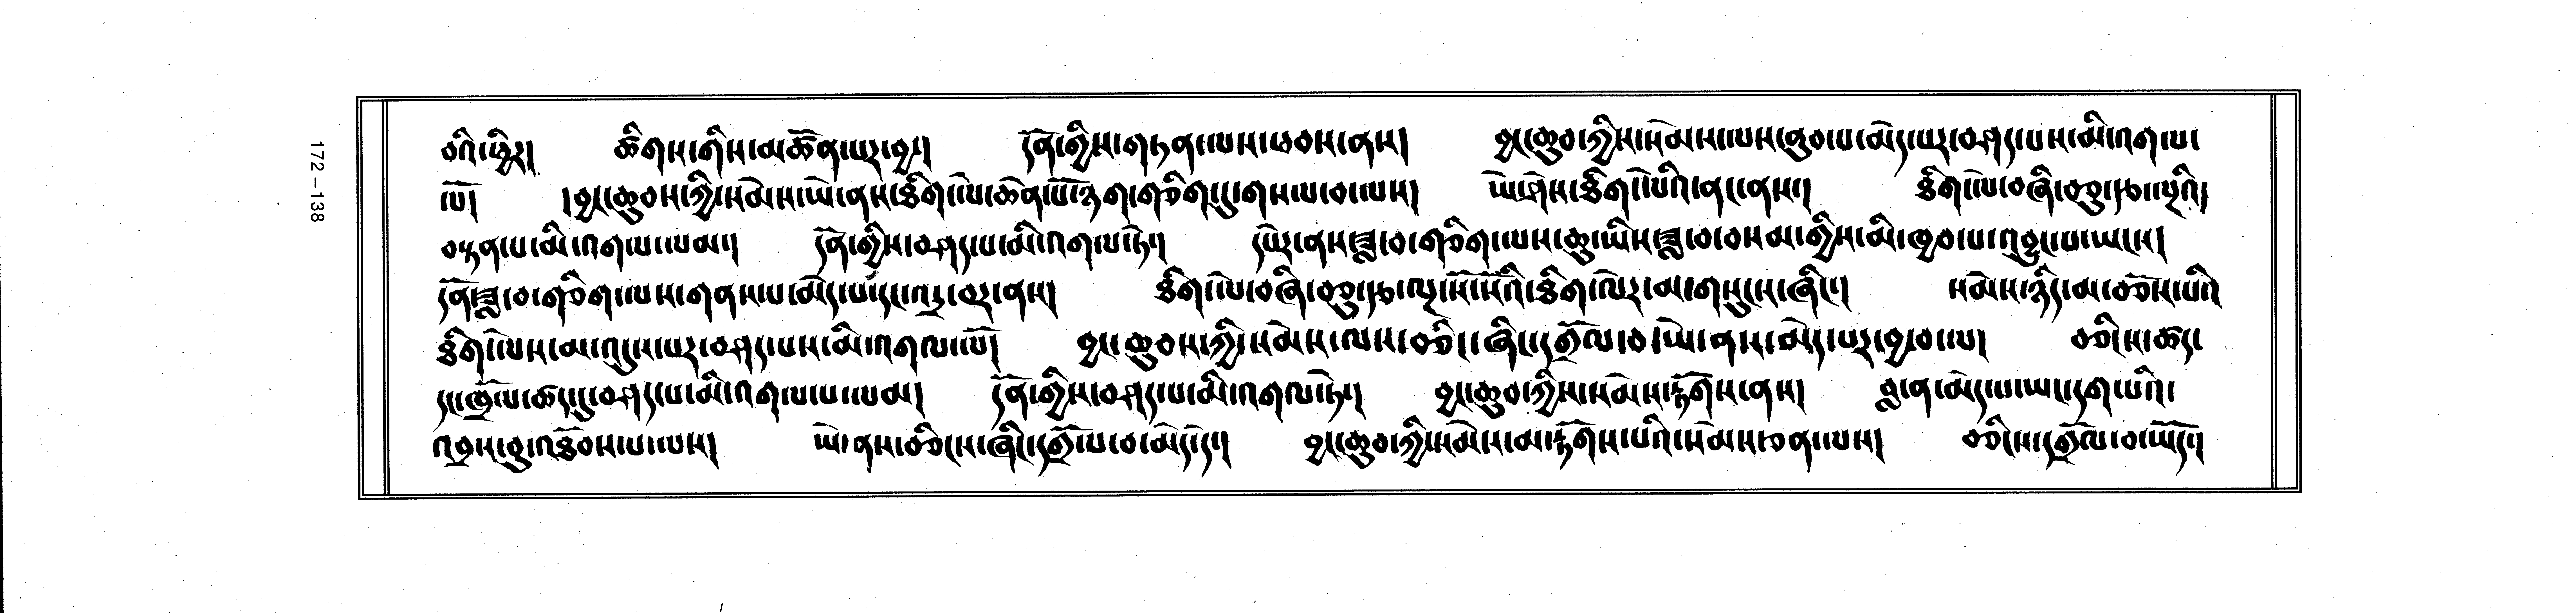བའི་ཕྱིར། ཚིགས་གིས་མཚོན་པར་བྱ། དོན་གྱིས་གཏན་ལས་ཕབས་ནས། བྱང་ཆུབ་ཀྱིས་སེམས་ལས་ནུབ་པ་མེད་པར་བཤད་པས་མི་འགལ་
ལོ། བྱང་ཆུབ་ཀྱི་སེམས་ཡེ་ནས་ཐིག་ལེ་ཆེན་པོ་ཉག་གཅིག་དུ་གསལ་བ་ལས། ཡེ་ཤེས་ཐིག་ལེའི་ནང་ནས། ཐིག་ལེ་བཞི་བཅུ་རྩ་ལྔའི། 
བསྟན་པ་མི་འགལ་ལམ། དོན་གྱིས་བཤད་པ་མི་འགལ་ཏེ། དཔེར་ནས་ཟླ་བ་གཅིག་ལས་ཆུ་ཡིས་ཟླ་བ་བསམ་གྱིས་མི་ཁྱབ་པ་འབྱུང་པ་ཡངས། 
དོན་ཟླ་བ་གཅིག་ལས་གནས་པ་མེད་པ་དང་འདྲ་བར་ནས། ཐིག་ལེ་བཞི་བཅུ་རྩ་ལྔ་སོ་སོའི་ཐིག་ལེར་མ་གསུངས་ཞིང་། སེམས་ཉིད་མ་བཅོས་པའི་
ཐིག་ལེས་མ་འདུས་པར་བཤད་པས་མི་འགལ་ལོ། བྱང་ཆུབ་ཀྱི་སེམས་ལས་བཅིང་ཞིང་དགྲོལ་བ་ཡེ་ནས་མེད་པར་བྱ་བ་ལ། བཅིངས་ཚད་
དང་ཁྲོལ་ཚད་དུ་བཤད་པ་མི་འགལ་པ་ལམ། དོན་གྱིས་བཤད་པ་མི་འགལ་ཏེ། བྱང་ཆུབ་ཀྱིས་སེམས་རྟོགས་ནས། བླ་ན་མེད་པ་ཡང་དག་པའི་
འབྲས་བུ་འཐོབས་པ་ལས། ཡེ་ནས་བཅིངས་ཞིང་དགྲོལ་བ་མེད་དེ། བྱང་ཆུབ་ཀྱི་སེམས་མ་རྟོགས་པའི་སེམས་ཅན་ལས། བཅིངས་དགྲོལ་བ་ཡོད།